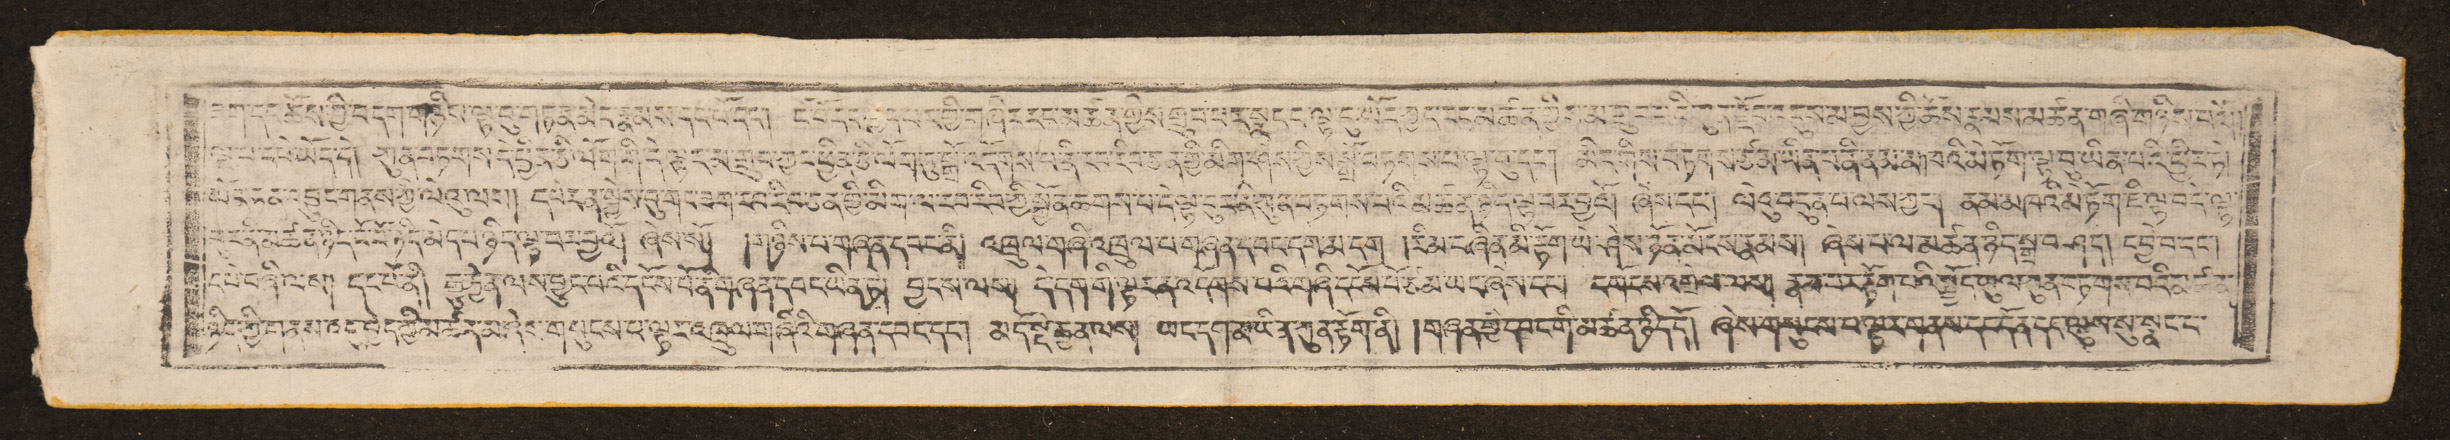ཟག་དང་ཆོས་ཀྱི་བདག་གཉིས་ལྟ་བུ་གཏན་མེད་རྣམས་དང་པོ་དང་། ངོ་བོ་དང་ཁྱད་པར་གྱི་གཞིར་རང་མཚན་གྱིས་གྲུབ་པར་སྣང་བ་ལྟ་བུ་ཡོད་ཀྱང་རང་མཚན་གྱིས་མ་གྲུབ་པའི་ཀུན་རྫོབ་འདུས་མ་བྱས་ཀྱི་ཆོས་རྣམས་མཚན་གཞི་གཉིས་པའོ།།
ལྔ་བ་དཔེ་ཡོད་དེ། ཀུན་བཏགས་དེ་ཕྱིན་ཅི་ལོག་གི་དེ་ལྟར་མ་གྲུབ་ཀྱང་ཕྱིན་ཅི་ལོག་ཏུ་སྒྲོ་འདོགས་པ་ནི་རབ་རིབ་ཅན་གྱི་མིག་ཤེས་ཀྱིས་སྒྲོ་བཏགས་པ་ལྟ་བུ་དང་། མིང་གིས་བཏགས་ཙམ་ཡིན་པ་ནི་ནམ་མཁའི་མེ་ཏོག་ལྟ་བུ་ཡིན་པའི་ཕྱིར་ཏེ།
ཡོན་ཏན་འབྱུང་གནས་ཀྱི་ལེའུ་ལས། དཔེར་ན་སྐྱེས་བུ་གང་ཟག་རབ་རིབ་ཅན་གྱི་མིག་ལ་རབ་རིབ་ཀྱི་སྐྱོན་ཆགས་པ་དེ་ལྟ་བུར་ནི་ཀུན་བཏགས་པའི་མཚན་ཉིད་ལྟ་བར་བྱའོ། ཞེས་དང་། ལེའུ་བདུན་པ་ལས་ཀྱང་། ནམ་མཁའི་མེ་ཏོག་ཇི་ལྟ་བ་དེ་ལྟ་
བུར་ནི་མཚན་ཉིད་ངོ་བོ་ཉིད་མེད་པ་ཉིད་ལྟ་བུར་བྱའོ། ཞེས་སོ། །གཉིས་པ་གཞན་དབང་ནི། འཁྲུལ་གཞི་འཁྲུལ་བ་གཞན་དབང་དག་མ་དག །རིམ་བཞིན་མི་རྟོག་ཡེ་ཤེས་ཉོན་མོངས་རྣམས། ཞེས་པ་ལ་མཚན་ཉིད་སྒྲ་བཤད། དབྱེ་བ་དང་།
དཔེ་བཞི་ལས། དང་པོ་ནི། རྒྱུ་རྐྱེན་ལས་བྱུང་བའི་དངོས་པོ་ནི་གཞན་དབང་ཡིན་ཏེ། བྱངས་ལས། དེ་དག་གི་ལྟར་ན་འདོགས་པའི་གཞི་དངོས་པོ་ཙམ་ཡང་ཞེས་དང་། དགོངས་འགྲེལ་ལས། རྣམ་པར་རྟོག་པའི་སྤྱོད་ཡུལ་ཀུན་བཏགས་པའི་མཚན་
ཉིད་ཀྱི་གནས་འདུ་བྱེད་ཀྱི་མཚན་མ་ཞེས་གསུངས་པ་ལྟར་འཁྲུལ་གཞིའི་གཞན་དབང་དང་། མདོ་སྡེ་རྒྱན་ལས། ཡང་དག་མ་ཡིན་ཀུན་རྟོག་ནི། །གཞན་གྱི་དབང་གི་མཚན་ཉིད་དོ། ཞེས་གསུངས་པ་ལྟར་གནས་དང་དོན་དང་ལུས་སུ་སྣང་པ་